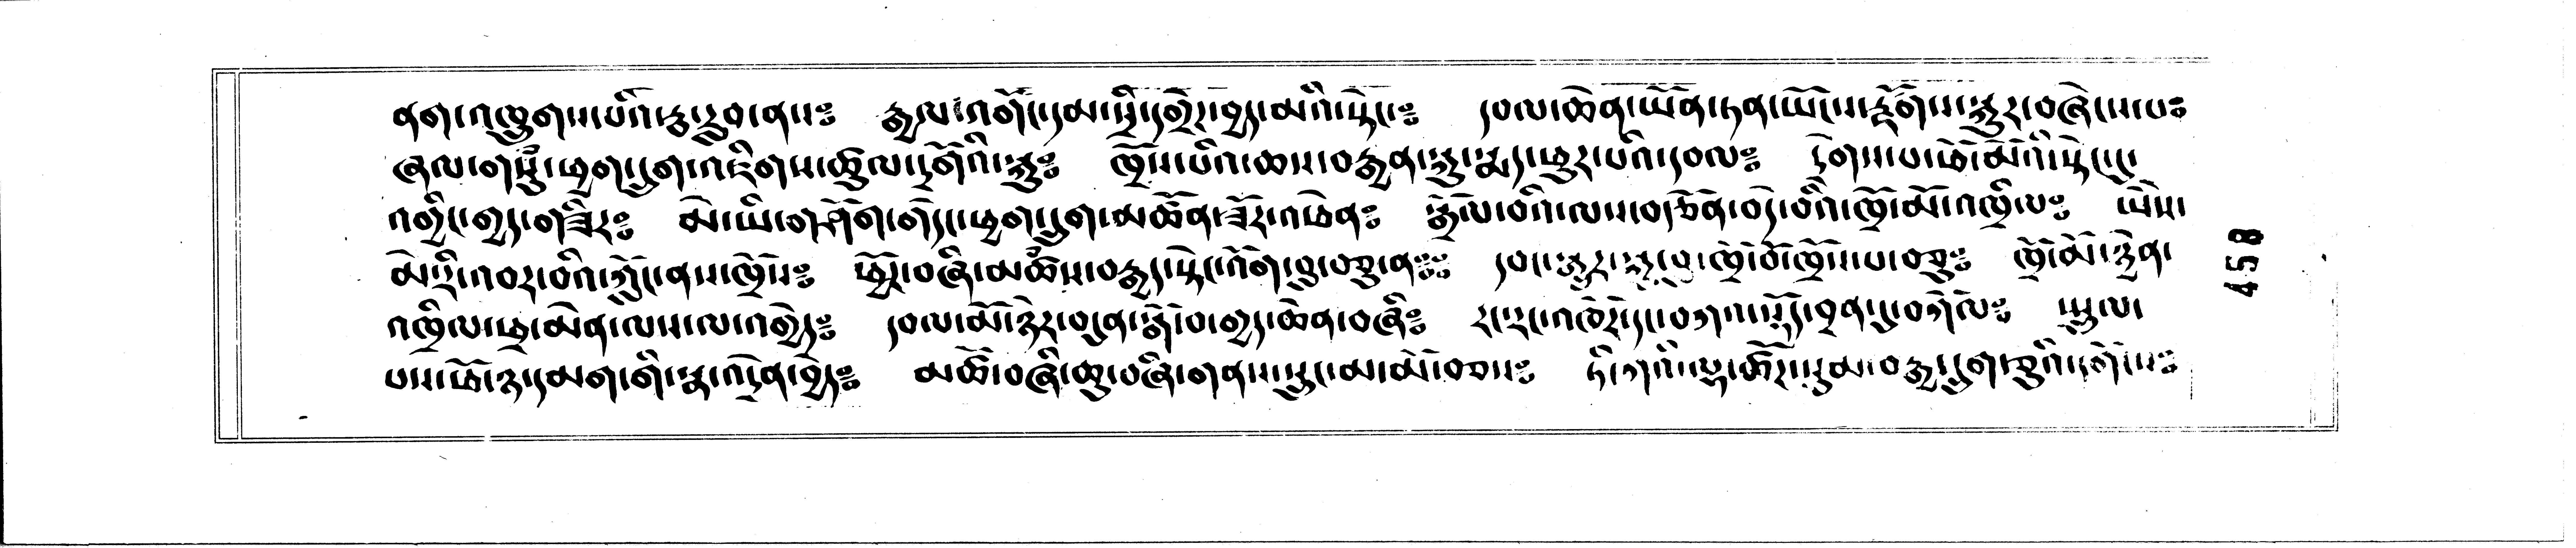ནག་འཁྲུགས་པའི་རྦ་རླབས་ནས༔རྒྱལ་འགོང་དམ་སྲི་དགྲ་བགེགས་བྱད་མའི་སྟེང༔དབལ་ཆེན་ཡོན་ཏན་ཡོངས་རྫོགས་སྐུར་བཞེངས་པ༔
ཞལ་གསུམ་ཕྱག་དྲུག་འཇིགས་ཚུལ་དྲག་པོའི་སྐུ༔ཁྲོས་པའི་ཆས་བརྒྱན་སྐུ་སྨད་ཕུར་པའི་དབལ༔དྲེགས་པ་ཕོ་མོའི་སྟེང་དུ་
འགྱིང་གྱད་གཟིར༔མེ་ཡི་གཤོག་གདོང་ཕྱག་དྲུག་མཚོན་ཟོར་འཕེན༔ སྒྲོལ་བའི་ལས་བརྩོན་བདེ་བའི་ཁྲོ་མོ་འཁྱིལ༔ཡེ་ཤེས་མེ་
རི་འབར་བའི་ཀློང་ནས་ཁྲོས༔ ཕྱོགས་བཞི་མཚམས་བརྒྱད་སྟེང་འོག་བླ་བཅུ་ན༔༔དབང་སྒྱུར་སྐུ་བླ་ཁྲོ་བོ་ཁྲོས་པ་བཅུ༔ཁྲོ་མོ་གཉེན་
འཁྲིལ་ཕྲ་མེན་ལས་ལ་འགྱེད༔དབལ་མོ་ཉེར་བདུན་སྒོ་བ་གྱད་ཆེན་བཞི༔རང་རང་འཁོར་དང་བཀའ་སྡོད་བྲན་དུ་བཀོལ༔ སྤྲུལ་
པས་ཕོ་ཉ་དམག་གི་སྣ་འདྲེན་བྱེད༔མཚོ་བཞི་ཆུ་བཞི་གནས་སྲུང་མ་མོ་བཅས༔ཏི་ཀའི་ལྷ་ཚོགས་སུམ་བརྒྱ་དྲུག་ཅུའི་དགོངས༔